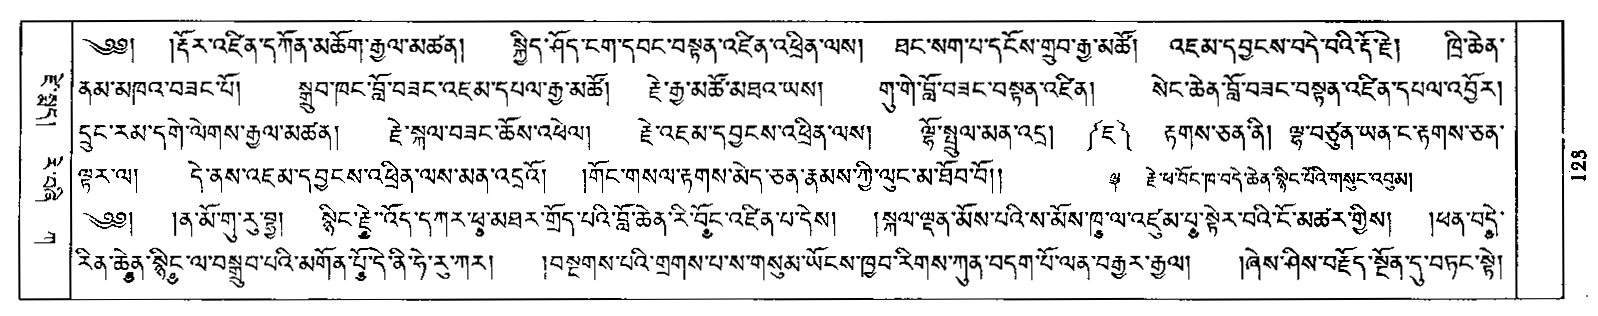༄༅། །རྡོར་འཛིན་དཀོན་མཆོག་རྒྱལ་མཚན། སྐྱིད་ཤོད་ངག་དབང་བསྟན་འཛིན་འཕྲིན་ལས། ཐང་སག་པ་དངོས་གྲུབ་རྒྱ་མཚོ། འཇམ་དབྱངས་བདེ་བའི་རྡོ་རྗེ། ཁྲི་ཆེན་
ནམ་མཁའ་བཟང་པོ། སྒྲུབ་ཁང་བློ་བཟང་འཇམ་དཔལ་རྒྱ་མཚོ། རྗེ་རྒྱ་མཚོ་མཐའ་ཡས། གུ་གེ་བློ་བཟང་བསྟན་འཛིན། སེང་ཆེན་བློ་བཟང་བསྟན་འཛིན་དཔལ་འབྱོར།
དྲུང་རམ་དགེ་ལེགས་རྒྱལ་མཚན། རྗེ་སྐལ་བཟང་ཆོས་འཕེལ། རྗེ་འཇམ་དབྱངས་འཕྲིན་ལས། ལྷོ་སྤྲུལ་མན་འདྲ། ཇ྄་རྟགས་ཅན་ནི། ལྷ་བཙུན་ཡན་ང་རྟགས་ཅན་
ལྟར་ལ། དེ་ནས་འཇམ་དབྱངས་འཕྲིན་ལས་མན་འདྲའོ། །གོང་གསལ་རྟགས་མེད་ཅན་རྣམས་ཀྱི་ལུང་མ་ཐོབ་བོ།། ༈ རྗེ་ཕ་བོང་ཁ་བདེ་ཆེན་སྙིང་པོའི་གསུང་འབུམ།
༄༅། །ན་མོ་གུ་རུ་བྷྱ། སྙིང་རྗེ་འོད་དཀར་ཕ་མཐར་གྲོད་པའི་བློ་ཆེན་རི་བོང་འཛིན་པ་དེས། །སྐལ་ལྡན་མོས་པའི་ས་མོས་ཁ་ལ་འཛུམ་པ་སྟེར་བའི་ངོ་མཚར་གྱིས། །ཕན་བདེ་
རིན་ཆེན་སྙིང་ལ་བསྒྲུབ་པའི་མགོན་པོ་དེ་ནི་ཧེ་རུ་ཀར། །བསྔགས་པའི་གྲགས་པ་ས་གསུམ་ཡོངས་ཁྱབ་རིགས་ཀུན་བདག་པོ་ལན་བརྒྱར་རྒྱལ། །ཞེས་ཤིས་བརྗོད་སྔོན་དུ་བཏང་སྟེ།